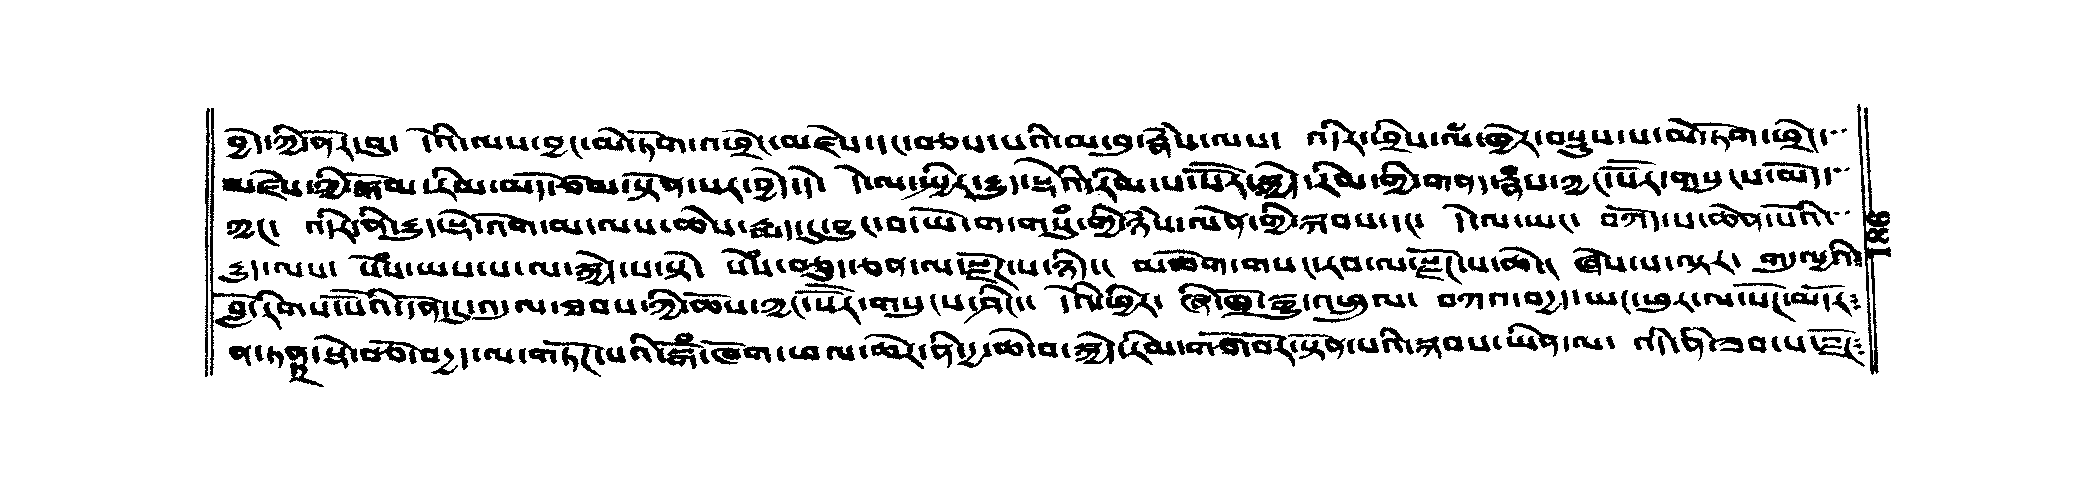བྱེད་ཀྱི་ནོར་བུ། དེའི་ལས་བྱང་མེ་ཏོག་འཕྲེང་མཛེས་དང་བཅས་པའི་མ་བུ་རྣམས་ལས། འདིར་ཕྲིན་ལས་ལམ་ཁྱེར་བསྡུས་པ་མེ་ཏོག་ཕྲེང་
མཛེས་ཀྱི་སྒོམ་རིམ་མདོ་ཙམ་སྟོན་པར་བྱེད་དེ། དེ་ལ་སྤྱིར་རྒྱུད་སྡེའི་རིམ་སོ་སོར་སྐྱེད་རིམ་གྱི་གནད་རྣམས་ཀྱང་སོ་སོར་གསུངས་མོད་
ཀྱང་། འདི་ནི་རྒྱུད་སྡེ་འོག་མ་ལས་ཆེས་རྨད་དུ་བྱུང་བ་ཡོ་ག་གསུམ་གྱི་ཉམས་ལེན་གྱི་སྐབས་དང་། དེ་ལ་ཡང་། བཀོད་པ་ཆེན་པོའི་
རྒྱུད་ལས། སེམས་ཡས་པ་ལ་སྐྱེད་པ་སྟེ། སེམས་བཅུད་ཅན་ལ་རྫོགས་པ་ཉིད། མཆོག་གསང་རབ་ལ་རྫོགས་པ་ཆེ། ཞེས་པ་ལྟར། གདུལ་བྱའི་
བློ་རིགས་སོ་སོའི་དོན་དུ་འདུལ་ཐབས་ཀྱི་ཆོས་ཀྱང་སོ་སོར་གསུངས་ཤིང་།དེའི་ཕྱིར། ཞི་ཁྲོ་སྒྱུ་འཕྲུལ། བཀའ་བརྒྱད་ཡང་ཕུར་ལ་སོགས་མདོར་
ན་ཏནྟྲ་སྡེ་བཅོ་བརྒྱད་ལ་གཏོགས་པའི་སྒོམ་ཁོག་ཕལ་ཆེར་ནི་རྒྱ་ཆེན་བ་སྐྱེད་རིམ་གཙོ་བོར་སྟོན་པའི་སྐབས་ཡིན་ལ། འདི་ནི་ཟབ་པ་རྫོགས་